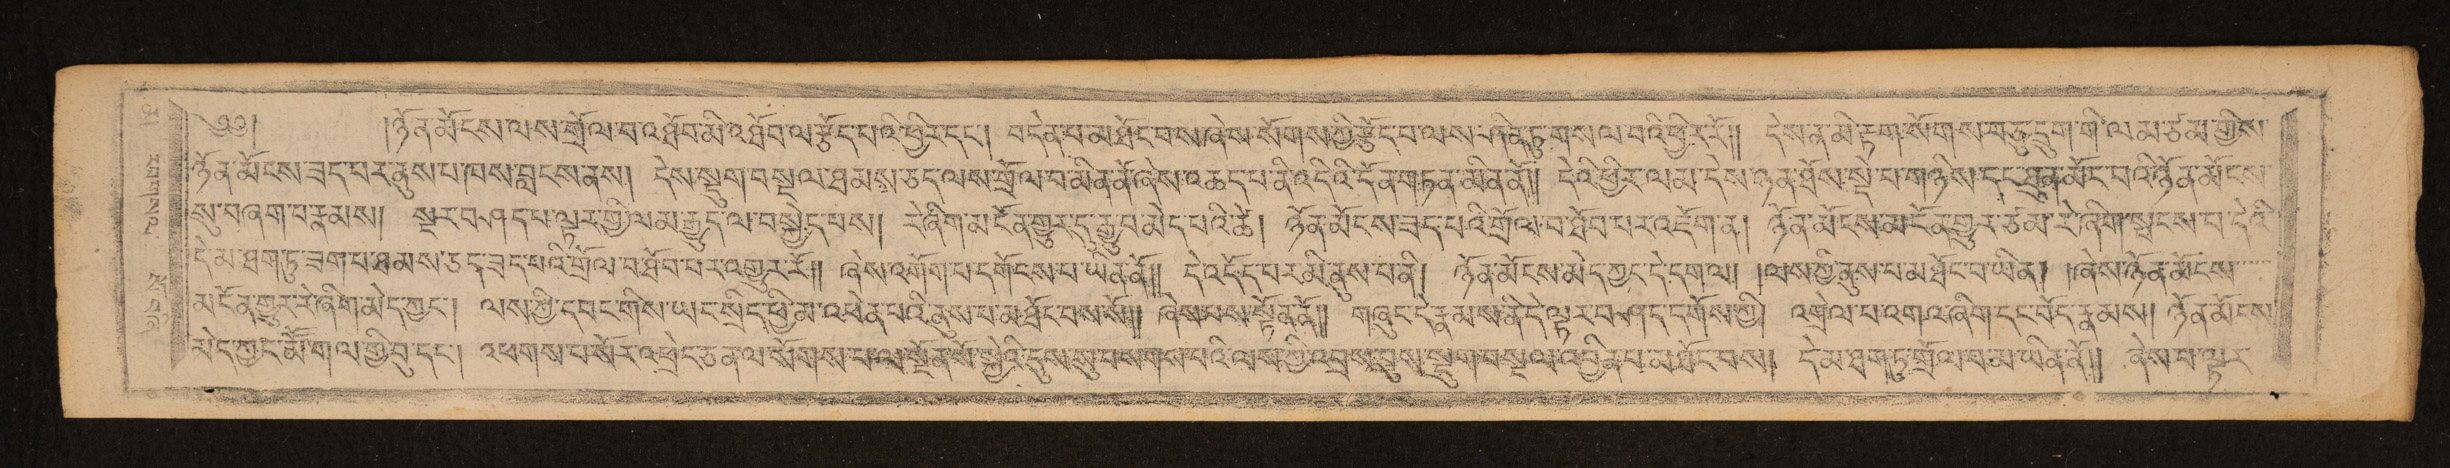༄༅། །ཉོན་མོངས་ལས་གྲོལ་བ་འཐོབ་མི་འཐོབ་ལ་རྩོད་པའི་ཕྱིར་དང་། བདེན་པ་མཐོང་བས་ཞེས་སོགས་ཀྱི་རྩོད་པ་ལས་ཤིན་ཏུ་གསལ་བའི་ཕྱིར་རོ།། དེས་ན་མི་རྟག་སོགས་བཅུ་དྲུག་གི་ལམ་ཙམ་གྱིས་
ཉོན་མོངས་ཟད་པར་ནུས་པ་ཁས་བླངས་ནས། དེས་སྡུག་བསྔལ་ཐམས་ཅད་ལས་གྲོལ་བ་མིན་ནོ་ཞེས་འཆད་པ་ནི་འདིའི་དོན་གཏན་མིན་ནོ།། དེའི་ཕྱིར་ལམ་དེས་ཉན་ཐོས་སྡེ་པ་གཉིས་དང་ཐུན་མོང་བའི་ཉོན་མོངས་
སུ་བཞག་པ་རྣམས། སྔར་བཤད་པ་ལྟར་གྱི་ལམ་རྒྱུད་ལ་བསྐྱེད་པས། རེ་ཞིག་མངོན་གྱུར་དུ་རྒྱུ་བ་མེད་པའི་ཚེ། ཉོན་མོངས་ཟད་པའི་གྲོལ་པ་ཐོབ་པར་འཇོག་ན། ཉོན་མོངས་མངོན་གྱུར་ཙམ་རེ་ཞིག་སྤངས་པ་དེའི་
དེ་མ་ཐག་ཏུ་ཟག་པ་ཐམས་ཅད་ཟད་པའི་གྲོལ་བ་ཐོབ་པར་འགྱུར་རོ།། ཞེས་འགོག་པ་དགོངས་པ་ཡིན་ནོ།། དེ་འདོད་པར་མི་ནུས་པ་ནི། ཉོན་མོངས་མེད་ཀྱང་དེ་དག་ལ། །ལས་ཀྱི་ནུས་པ་མཐོང་བ་ཡིན། །ཞེས་ཉོན་མོངས་
མངོན་གྱུར་རེ་ཞིག་མེད་ཀྱང་། ལས་ཀྱི་དབང་གིས་ཡང་སྲིད་ཕྱི་མ་འཕེན་པའི་ནུས་པ་མཐོང་བས་སོ།། ཞེས་པས་སྟོན་ནོ།། གཞུང་དེ་རྣམས་ནི་དེ་ལྟར་བཤད་དགོས་ཀྱི། འགྲེལ་བ་འགའ་ཞིག་དང་བོད་རྣམས། ཉོན་མོངས་
མེད་ཀྱང་མཽ་གལ་གྱི་བུ་དང་། འཕགས་པ་སོར་ཕྲེང་ཅན་ལ་སོགས་པ་ལ་སྔོན་སོ་སྐྱེའི་དུས་སུ་བསགས་པའི་ལས་ཀྱི་འབྲས་བུས་སྡུག་བསྔལ་འབྱིན་པ་མཐོང་བས། དེ་མ་ཐག་ཏུ་གྲོལ་བ་མ་ཡིན་ནོ།། ཞེས་པ་ལྟར་